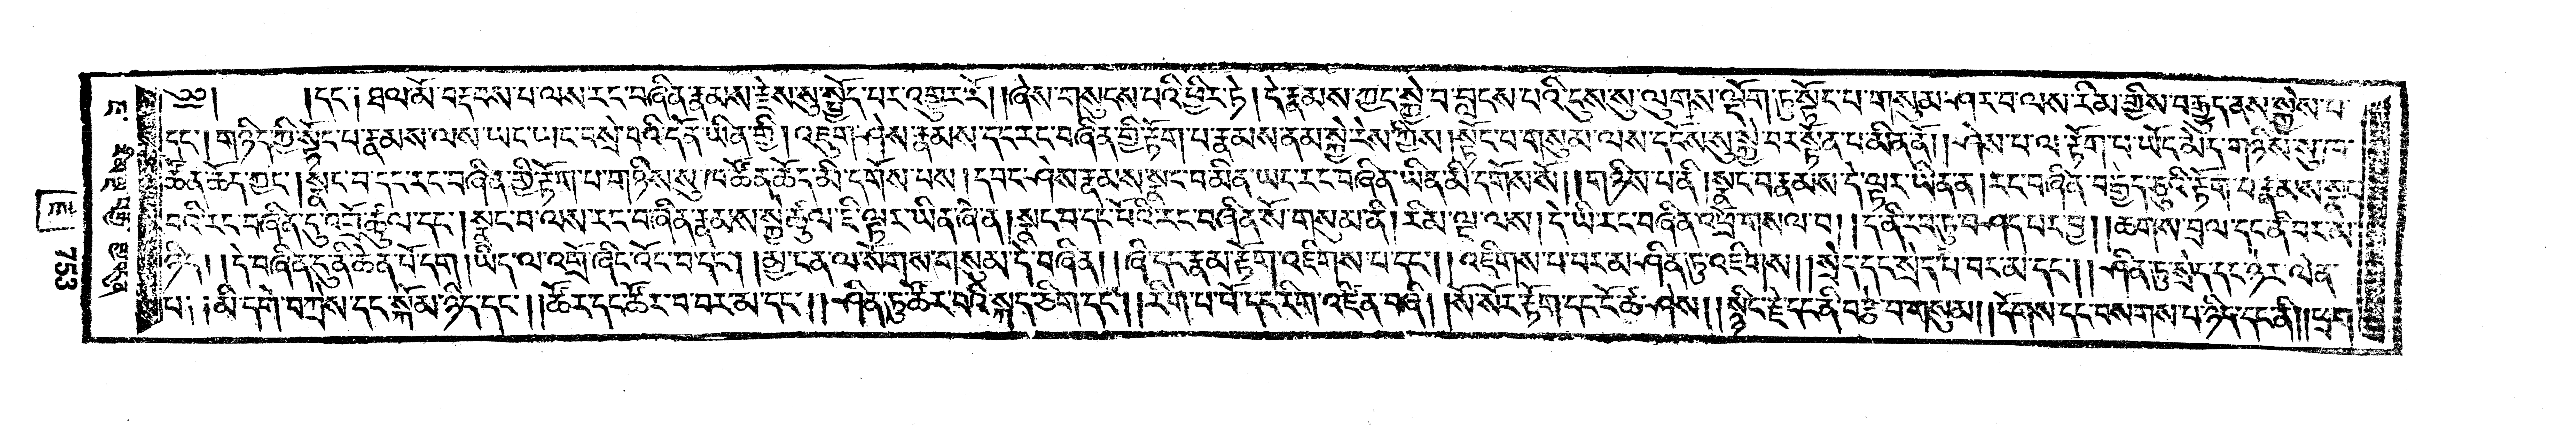༄༅། །དང་། ཐལ་མོ་བརྡབས་པ་ལས་རང་བཞིན་རྣམས་རྗེས་སུ་སྤྱོད་པར་འགྱུར་རོ། །ཞེས་གསུངས་པའི་ཕྱིར་ཏེ། དེ་རྣམས་ཀྱང་སྐྱེ་བ་བླངས་པའི་དུས་སུ་ལུགས་ལྡོག་ཏུ་སྟོང་པ་གསུམ་ཤར་བ་ལས་རིམ་གྱིས་བརྒྱུད་ནས་སྐྱེས་པ་
དང་། གཉིད་ཀྱི་སྟོང་པ་རྣམས་ལས་ཡང་ཡང་བསྲེ་བའི་དོན་ཡིན་གྱི། འཇུག་ཤེས་རྣམས་དང་རང་བཞིན་གྱི་རྟོག་པ་རྣམས་ནམ་སྐྱེ་རེས་ཀྱིས། སྟོང་པ་གསུམ་ལས་དངོས་སུ་སྐྱེ་བར་སྟོན་པ་མིན་ནོ། །ཤེས་པ་ལ་རྟོག་པ་ཡོད་མེད་གཉིས་སུ་ཁ་
ཚོན་ཆོད་ཀྱང་། སྣང་བ་དང་རང་བཞིན་གྱི་རྟོག་པ་གཉིས་སུ་ཁ་ཚོན་ཆོད་མི་དགོས་པས། དབང་ཤེས་རྣམས་སྣང་བ་མིན་ཡང་རང་བཞིན་ཡིན་མི་དགོས་སོ། །གཉིས་པ་ནི། སྣང་བ་རྣམས་དེ་ལྟར་ཡིན་ན། རང་བཞིན་བརྒྱད་ཅུའི་རྟོག་པ་རྣམས་སྣང་
བའི་རང་བཞིན་དུ་འགྲོ་ཚུལ་དང་། སྣང་བ་ལས་རང་བཞིན་རྣམས་སྐྱེ་ཚུལ་ཇི་ལྟར་ཡིན་ཞེ་ན། སྣང་བ་དང་པོའི་རང་བཞིན་སོ་གསུམ་ནི། རིམ་ལྔ་ལས། དེ་ཡི་རང་བཞིན་འཕྲོ་གསལ་བ། །ད་ནི་རབ་ཏུ་བཤད་པར་བྱ། །ཆགས་བྲལ་དང་ནི་བར་མ་ཉིད། །དེ་བཞིན་དུ་ནི་ཆེན་པོ་དག །ཡིད་ལ་འགྲོ་ཞིང་འོང་བ་དང་། །མྱ་ངན་ལ་སོགས་གསུམ་དེ་བཞིན། །ཞི་དང་རྣམ་རྟོག་འཇིགས་པ་དང་། །འཇིགས་པ་བར་མ་ཤིན་ཏུ་འཇིགས། །སྲེད་དང་སྲེད་པ་བར་མ་དང་། །ཤིན་ཏུ་སྲེད་དང་ཉེར་ལེན་
པ། །མི་དག་བཀྲེས་དང་སྐོམ་ཉིད་དང་། །ཚོར་དང་ཚོར་བ་བར་མ་དང་། །ཤིན་ཏུ་ཚོར་བའི་སྐད་ཅིག་དང་། །རིག་པ་པོ་དང་རིག་འཛིན་བཞི། །སོ་སོར་རྟོག་དང་ངོ་ཚ་ཤེས། །སྙིང་རྗེ་དང་ནི་བརྩེ་བ་གསུམ། །དོགས་དང་བསགས་པ་ཉིད་དང་ནི། །ཕྲག་